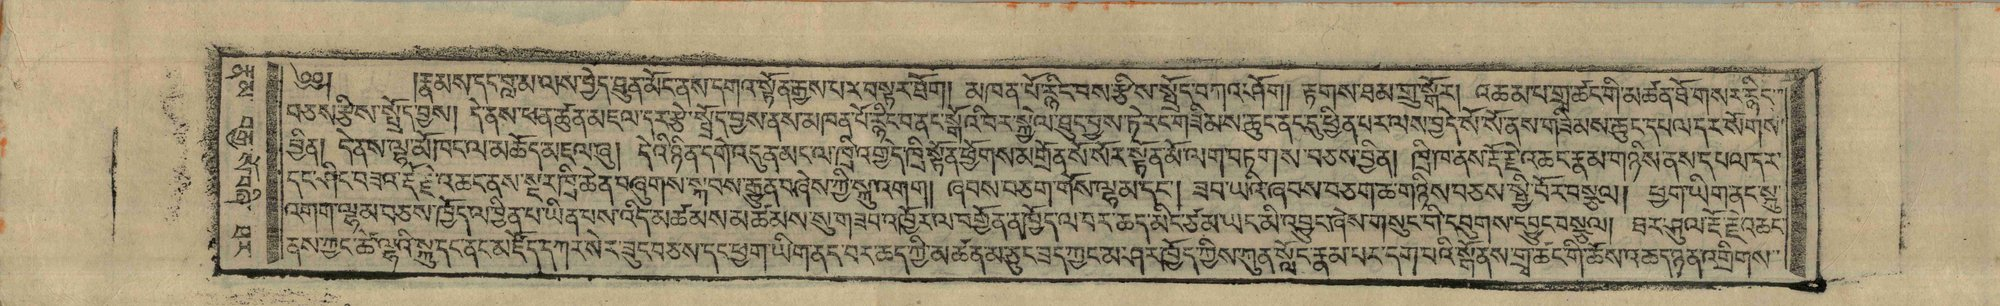༄༅། །རྣམས་དང་བླ་མ་ལས་བྱེད་ཐུན་མོང་ནས་དགའ་སྟོན་རྒྱས་པར་བསྟར་ཐོག །མཁན་པོ་རྙིང་བས་རྩིས་སྤྲོད་བཀའ་ཤོག །རྟགས་ཐམ་གྲུ་སྒོར། འཆམ་པ་གྲྭ་ཚང་གི་མཚན་ཐོ་གསར་རྙིང་
བཅས་རྩིས་སྤྲོད་བྱས། དེ་ནས་ཕན་ཚུན་མཇལ་དར་རྩེ་སྤྲོད་བྱས་ནས་མཁན་པོ་རྙིང་བ་ནང་སྒོའི་བར་སྐྱེལ་ཐུང་བྱས་ཏེ་རང་གཟིམས་ཆུང་ནང་དུ་ཕྱིན་པར་ལས་བྱེད་སོ་སོ་ནས་གཟིམས་ཆུང་དཔལ་དར་སོགས་
བྱིན། དེ་ནས་ལྷ་མོ་ཁང་ལ་མཆོད་མཇལ་ཞུ། དེའི་ཉིན་དགེ་འདུན་མང་ལ་ཁྲི་འགྱེད་ཁྲི་སྟོན་ཕྱོགས་མགྲོན་སོ་སོར་སྟོན་མོ་ལག་བཏགས་བཅས་བྱིན། ཁྲི་ཁ་ནས་རྡོ་རྗེ་འཆང་རྣམ་གཉིས་ནས་དཔལ་དར་
དང་ཤིང་བཟའ་རྡོ་རྗེ་འཆང་ནས་སྔར་ཁྲི་ཆེན་བཞུགས་སྐབས་རྒྱུན་བཞེས་ཀྱི་སྐུ་འགག །ཞབས་བཅག་གོས་ལྷམ་དང་། ཟབ་ཡའི་ཞབས་བཅག་ཆ་གཉིས་བཅས་སྤྱི་བོར་བསྩལ། ཕྱག་ཡིག་ནང་སྐུ་
འགག་ལྷམ་བཅས་ཁྱོད་ལ་བྱིན་པ་ཡིན་པས་འདི་མཚམས་མཚམས་སུ་གཟབ་འཁྱོར་ལ་བགྱོན་ན་ཁྱོད་ལ་བར་ཆད་མིང་ཙམ་ཡང་མི་འབྱུང་ཞེས་གསུང་གི་དབུགས་དབྱུང་བསྩལ། ཐར་ཤུལ་རྡོ་རྗེ་འཆང་
ནས་ཀྱང་ཚེ་ལྷའི་སྐུ་དང་ནང་མཛོད་དཀར་སེར་ཟུང་བཅས་དང་ཕྱག་ཡིག་ནང་བར་ཆད་ཀྱི་མཚན་མ་ཅུང་ཟད་ཀྱང་མ་ཤར་ཁྱོད་ཀྱིས་ཀུན་སློང་རྣམ་པར་དག་པའི་སྒོ་ནས་གྲྭ་ཚང་གི་ཆོས་འཆད་ཉན་འགྲིགས་